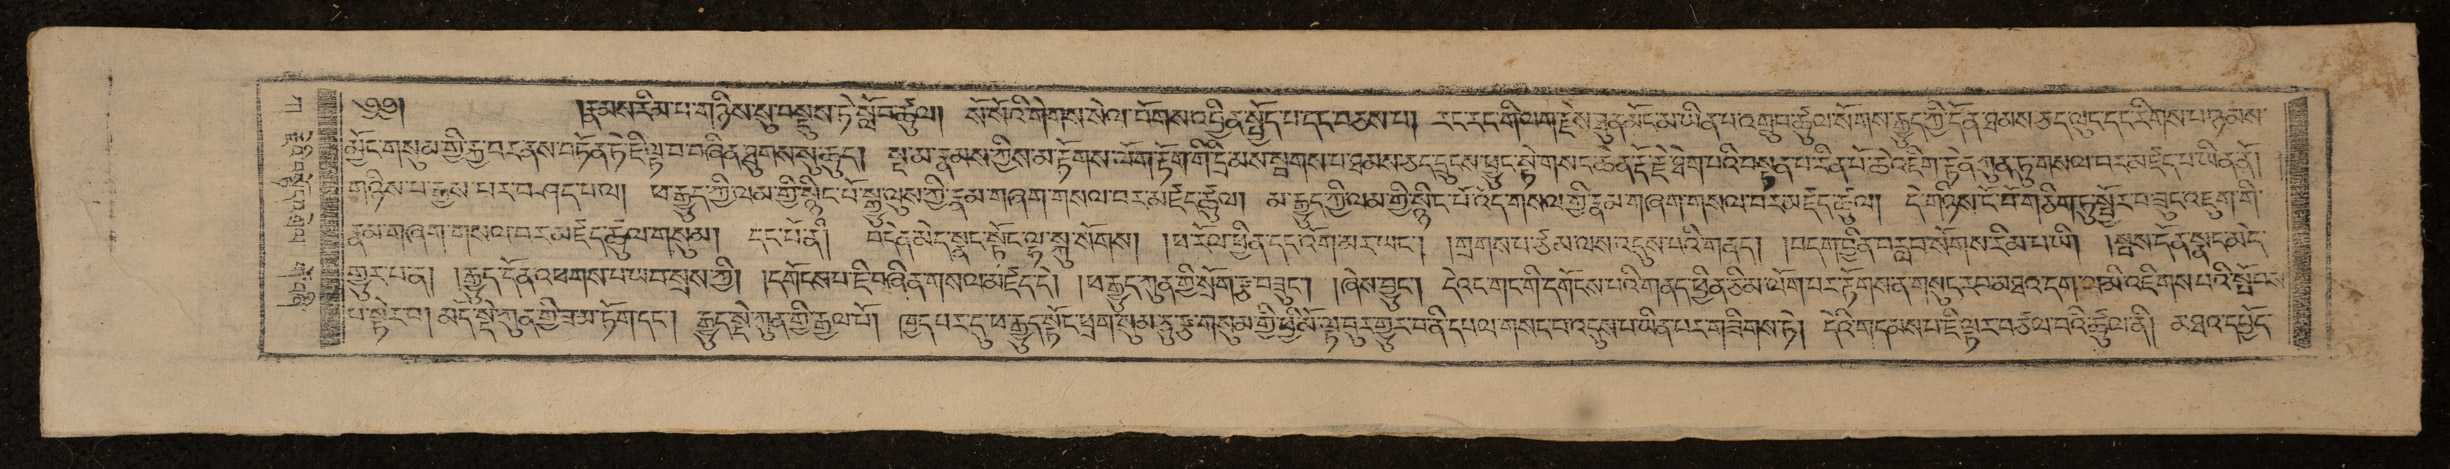༄༅། །རྣམས་རིམ་པ་གཉིས་སུ་བསྡུས་ཏེ་སློབ་ཚུལ། སོ་སོའི་གེགས་སེལ་བོགས་འབྱིན་སྤྱོད་པ་དང་བཅས་པ། རང་རང་གི་ལག་རྗེས་ཐུན་མོང་མ་ཡིན་པ་འགྲུབ་ཚུལ་སོགས་རྒྱུད་ཀྱི་དོན་ཐམས་ཅད་ལུང་དང་རིགས་པ་ཉམས་
མྱོང་གསུམ་གྱི་རྐྱ་བར་ནས་བཏོན་ཏེ་ཇི་ལྟ་བ་བཞིན་ཐུགས་སུ་ཆུང་། སྔ་མ་རྣམས་ཀྱིས་མ་རྟོགས་ལོག་རྟོག་གི་དྲི་མས་སྦགས་པ་ཐམས་ཅད་དྲུངས་ཕྱུར་སྟེ་གསང་ཆེན་རྡོ་རྗེ་ཐེག་པའི་བསྟན་པ་རིན་པོ་ཆེ་འཇིག་རྟེན་ཀུན་ཏུ་གསལ་བར་མཛད་པ་ཡིན་ནོ། །
གཉིས་པ་རྒྱས་པར་བཤད་པ་ལ། ཕ་རྒྱུད་ཀྱི་ལམ་གྱི་སྙིང་པོ་སྒྱུ་ལུས་ཀྱི་རྣམ་གཞག་གསལ་བར་མཛད་ཚུལ། མ་རྒྱུད་ཀྱི་ལམ་གྱི་སྙིང་པོ་འོད་གསལ་གྱི་རྣམ་གཞག་གསལ་བར་མཛད་ཚུལ། དེ་གཉིས་ངོ་བོ་གཅིག་ཏུ་སྦྱོར་བ་ཟུང་འཇུག་གི་
རྣམ་གཞག་གསལ་བར་མཛད་ཚུལ་གསུམ། དང་པོ་ནི། བདེན་མེད་སྣང་སྟོང་ལྷ་སྐུ་སོགས། །ཕ་རོལ་ཕྱིན་དང་འོག་མར་ཡང་། །གྲགས་པ་ཙམ་ལས་འདུས་པའི་གནད། །བདག་བྱིན་བརླབ་སོགས་རིམ་པ་ཡི། །སྦས་དོན་སྣང་མེད་
གྱུར་པ་ན། །རྒྱུད་དོན་འཕགས་པ་ཡབ་སྲས་ཀྱི། །དགོངས་པ་ཇི་བཞིན་གསལ་མཛད་དེ། །ཕ་རྒྱུད་ཀུན་གྱི་སྤོག་རྩ་བཟུང་། །ཞེས་བྱུང་། དེའང་གང་གི་དགོངས་པའི་གནད་ཕྱིན་ཅི་མ་ལོག་པར་རྟོགས་ན་གསུང་རབ་མཐའ་དག་ལ་མི་འཇིགས་པའི་སྤོངས་
པ་སྟེར་བ། མདོ་སྡེ་ཀུན་གྱི་ཟམ་ཏོག་དང་། རྒྱུད་སྡེ་ཀུན་གྱི་རྒྱལ་པོ། ཁྱད་པར་དུ་ཕ་རྒྱུད་སྟོང་ཕྲག་སུམ་ཅུ་རྩ་གསུམ་གྱི་ཕྱི་མོ་ལྟ་བུར་གྱུར་པ་ནི་དཔལ་གསང་བ་འདུས་པ་ཡིན་པར་གཟིགས་ཏེ། དེའི་གདམས་པ་ཇི་ལྟར་བཙལ་བའི་ཚུལ་ནི། མཐའ་དཔྱོད་